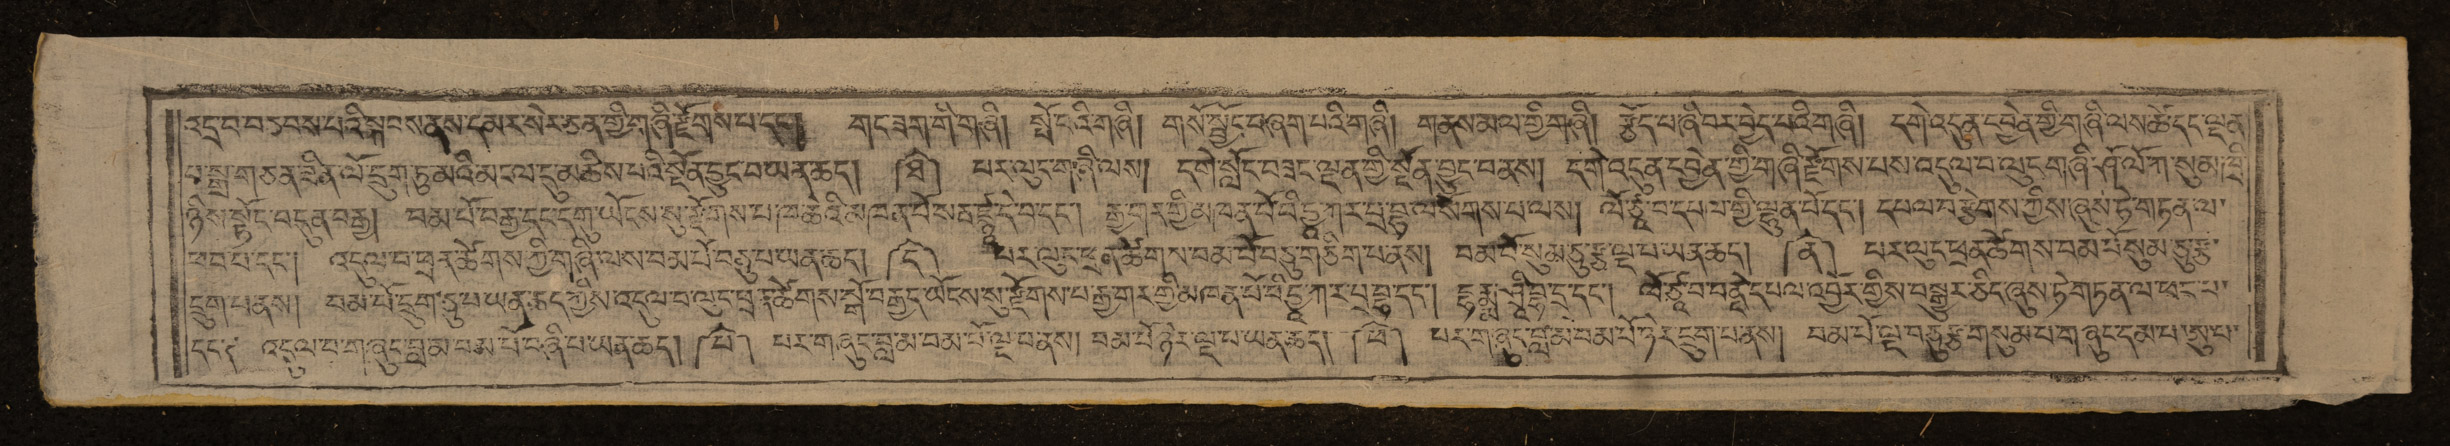འདྲ་བཅབས་པའི་སྐབས་ནས་དམར་སེར་ཅན་གྱི་གཞི་རྫོགས་པ་དང་། གང་ཟག་གི་གཞི། སྤོ་པའི་གཞི། གསོ་སྦྱོང་བཞག་པའི་གཞི། གནས་མལ་གྱི་གཞི། རྩོད་བཞི་བར་བྱེད་པའི་གཞི། དགེ་འདུན་དབྱེན་གྱི་གཞི་ལས་ཚེ་དང་ལྡན་
པ་སྒྲ་གཅན་ཟིན་ལོ་དྲུག་ཏུ་མའི་མངལ་དུ་མཆིས་པའི་སྔོན་བྱུང་བ་ཡན་ཆད། {ཐ}་པར་ལུང་གཞི་ལས། དགེ་སློང་བཟང་ལྡན་གྱི་སྔོན་བྱུང་བ་ནས། དགེ་འདུན་དབྱེན་གྱི་གཞི་རྫོགས་པས་འདུལ་བ་ལུང་གཞི་ཤོ་ལོ་ཀ་སུམ་ཁྲི་
ཉིས་སྟོང་བདུན་བརྒྱ། བམ་པོ་བརྒྱ་དང་དགུ་ཡོངས་སུ་རྫོགས་པ་ཁ་ཆེའི་མཁན་པོ་སརྦ་ཛྙཱ་དེ་བ་དང་། རྒྱ་གར་གྱི་མཁན་པོ་བི་དྱཱ་ཀར་པྲ་བྷ་ལ་སོགས་པ་ལས། ལོ་ཙཱ་བ་དཔལ་གྱི་ལྷུན་པོ་དང་། དཔལ་བརྩེགས་ཀྱིས་ཞུས་ཏེ་གཏན་ལ་
ཕབ་པ་དང་། འདུལ་པ་ཕྲན་ཚེགས་ཀྱི་གཞི་ལས་བམ་པོ་བཅུ་པ་ཡན་ཆང་། {ད}་པར་ལུང་ཕྲན་ཚེགས་བམ་པོ་བཅུ་གཅིག་པ་ནས། བམ་པོ་སུམ་ཅུ་རྩ་ལྔ་པ་ཡན་ཆད། {ན}་པར་ལུང་ཕྲན་ཚེགས་བམ་པོ་སུམ་ཅུ་རྩ་
དྲུག་པ་ནས། བམ་པོ་དྲུག་ཅུ་པ་ཡན་ཆད་ཀྱིས་འདུལ་པ་ལུང་ཕྲན་ཚེགས་སྒོ་བརྒྱད་ཡོངས་སུ་རྫོགས་པ་རྒྱ་གར་གྱི་མཁན་པོ་བི་དྱཱ་ཀ་ར་པྲ་བྷ་དང་། དྷ་རྨྨ་ཤྲཱི་བྷ་དྲ་དང་། ལོ་ཙཱ་བ་བནྡེ་དཔལ་འབྱོར་གྱིས་བསྒྱུར་ཅིང་ཞུས་ཏེ་གཏན་ལ་ཕང་པ་
དང༑ འདུལ་པ་གཞུང་བླ་བ་པས་བོ་བཞི་པ་ཡན་ཆད། {པ}་པར་གཞུང་བླ་མ་བམ་ལྔ་པ་ནས། བམ་པོ་ཉེར་ལྔ་པ་ཡན་ཆད། {ཕ}་པར་གཞུང་བླ་མ་བམ་པོ་ཉེར་དྲུག་པ་ནས། བམ་པོ་ལྔ་བཅུ་རྩ་གསུམ་པ་གཞུང་དམ་པ་ཨུ་པ་